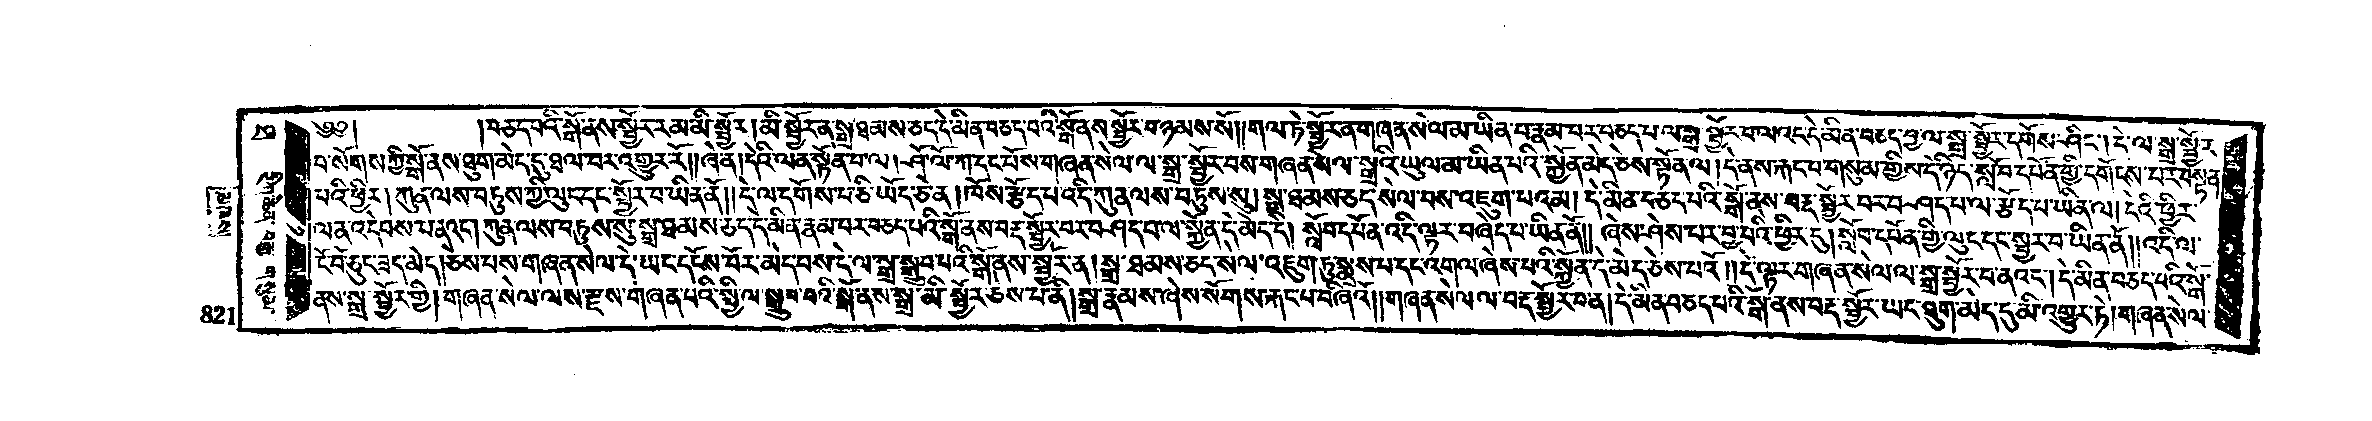༄༅། །བཅད་པའི་སྒོ་ནས་སྦྱོར་རམ་མི་སྦྱོར། མི་སྦྱོར་ན་སྒྲ་ཐམས་ཅད་དེ་མིན་བཅད་པའི་སྒོ་ནས་བྱོར་བ་ཉམས་སོ། །གལ་ཏེ་སྦྱོར་ན་གཞན་སེལ་མ་ཡིན་པ་རྣམ་པར་བཅད་པ་ལ་སྒྲ་སྦྱོར་བ་ལའང་དེ་མིན་བཅད་བྱ་ལ་སྒྲ་སྦྱོར་དགོས་ཤིང་། དེ་ལ་སྒྲ་སྦྱོར་
བ་སོགས་ཀྱི་སྒོ་ནས་ཐུག་མེད་དུ་ཐལ་བར་འགྱུར་རོ། །ཞེ་ན། དེའི་ལན་སྟོན་པ་ལ། ཤོ་ལོ་ཀ་དང་པོས་གཞན་སེལ་ལ་སྒྲ་སྦྱོར་བས་གཞན་སེལ་སྒྲའི་ཡུལ་མ་ཡིན་པའི་སྐྱོན་མེད་ཅེས་སྟོན་ལ། དེ་ནས་རྐང་པ་གསུམ་གྱིས་དེ་ཉིད་སློབ་དཔོན་གྱི་དགོངས་པར་བསྟན་
པའི་ཕྱིར། ཀུན་ལས་བཏུས་ཀྱི་ལུང་དང་སྦྱོར་བ་ཡིན་ནོ། །དེ་ལ་དགོས་པ་ཅི་ཡོད་ཅེ་ན། ཁོས་རྩོད་པ་འདི་ཀུན་ལས་བཏུས་སུ། སྒྲ་ཐམས་ཅད་སེལ་བས་འཇུག་པའམ། དེ་མིན་བཅད་པའི་སྒོ་ནས་བརྡ་སྦྱོར་བར་བཤད་པ་ལ་རྩོད་པ་ཡིན་ལ། དེའི་ཕྱིར་
ལན་འདེབས་པ་ནའང་། ཀུན་ལས་བཏུས་སུ་སྒྲ་ཐམས་ཅད་དེ་མིན་རྣམ་པར་བཅད་པའི་སྒོ་ནས་བརྡ་སྦྱོར་བར་བཤད་པ་ལ་སྐྱོན་དེ་མེད་དེ། །སློབ་དཔོན་འདི་ལྟར་བཞེད་པ་ཡིན་ནོ། །ཞེས་ཤེས་པར་བྱ་བའི་ཕྱིར་དུ། སློབ་དཔོན་གྱི་ལུང་དང་སྦྱར་བ་ཡིན་ནོ། །འདི་ལ་
ངོ་བོ་ཅུང་ཟད་མེད། ཅེས་པས་གཞན་སེལ་དེ་ལ་ཡང་དངོས་པོར་མེད་པས་དེ་ལ་སྒྲ་སྒྲུབ་པའི་སྒོ་ནས་སྦྱོར་ན། སྒྲ་ཐམས་ཅད་སེལ་འཇུག་ཏུ་སྨྲས་པ་དང་འགལ་ཞེས་པའི་སྐྱོན་དེ་མེད་ཅེས་པའོ། །དེ་ལྟར་གཞན་སེལ་ལ་སྒྲ་སྦྱོར་བ་ནའང་། དེ་མིན་བཅད་པའི་སྒོ་
ནས། སྒྲ་སྦྱོར་གྱི། གཞན་སེལ་ལས་རྫས་གཞན་པའི་སྤྱི་ལ་སྒྲུབ་པའི་སྒོ་ནས་སྒྟ་མི་སྦྱོར་ཅེས་པ་ནི། སྒྟ་རྣམས་ཞེས་སོགས་རྐྱང་བ་བཞིའོ། ཞན་སེལ་ལ་བརྫ་སྦྱོར་བ་ན། དེ་མིན་བཅད་པའི་སྒོ་ནས་བརྫ་སྦྱོར་ཡང་ཐུག་མེད་དུ་མི་འགྱུར་ཏེ། གཞན་སེལ་